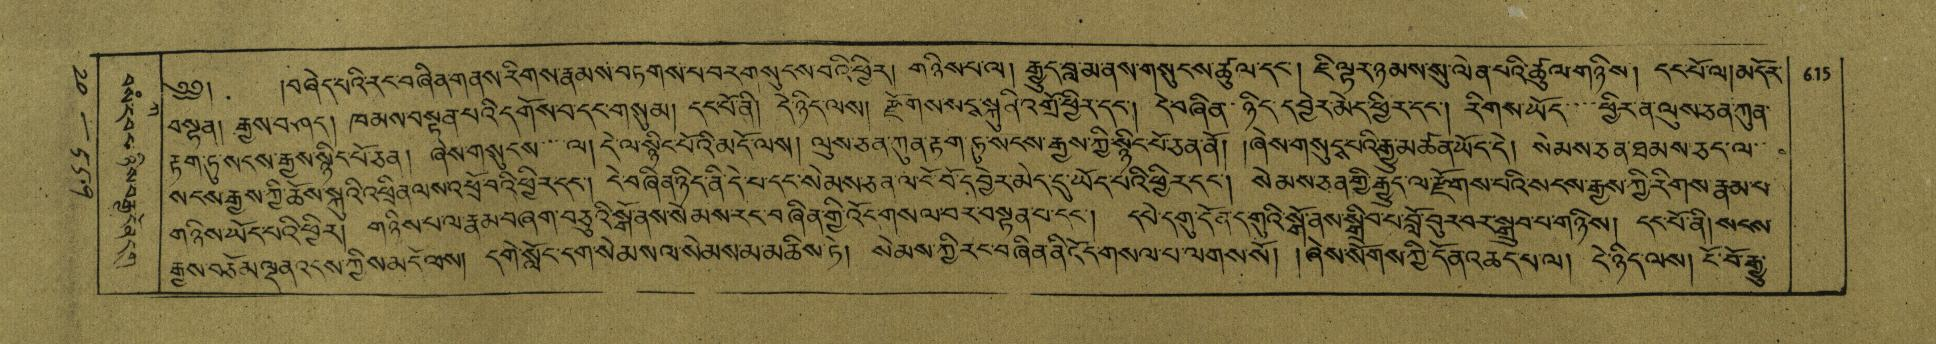༄༅། །བཞེད་པའི་རང་བཞིན་གནས་རིགས་རྣམས་བཏགས་པ་བར་གསུངས་བའི་ཕྱིར། གཉིས་པ་ལ། རྒྱུད་བླ་མ་ནས་གསུངས་ཚུལ་དང་། ཇི་ལྟར་ཉམས་སུ་ལེན་པའི་ཚུལ་གཉིས། དང་པོ་ལ། མདོར་
བསྟན། རྒྱས་བཤད། ཁམས་བསྟན་པའི་དགོས་པ་དང་གསུམ། དང་པོ་ནི། དེ་ཉིད་ལས། རྫོགས་སངས་སྐུ་ནི་འགྲོ་ཕྱིར་དང་། དེ་བཞིན་ཉིད་དབྱེར་མེད་ཕྱིར་དང་། རིགས་ཡོད་ཕྱིར་ན་ལུས་ཅན་ཀུན་
རྟག་ཏུ་སངས་རྒྱས་སྙིང་པོ་ཅན། ཞེས་གསུངས་ལ། དེ་ལ་སྙིང་པོའི་མདོ་ལས། ལུས་ཅན་ཀུན་རྟག་ཏུ་སངས་རྒྱས་ཀྱི་སྙིང་པོ་ཅན་ནོ། །ཞེས་གསུངས་པའི་རྒྱུ་མཚན་ཡོད་དེ། སེམས་ཅན་ཐམས་ཅད་ལ་
སངས་རྒྱས་ཀྱི་ཆོས་སྐུའི་འཕྲིན་ལས་འཕྲོ་བའི་ཕྱིར་དང་། དེ་བཞིན་ཉིད་ནི་དེ་པ་དང་སེམས་ཅན་ལ་ངོ་བོ་དབྱེར་མེད་དུ་ཡོད་པའི་ཕྱིར་དང་། སེམས་ཅན་གྱི་རྒྱུད་ལ་རྫོགས་པའི་སངས་རྒྱས་ཀྱི་རིགས་རྣམ་པ་
གཉིས་ཡོད་པའི་ཕྱིར། གཉིས་པ་ལ་རྣམ་བཞག་བཅུའི་སྒོ་ནས་སེམས་རང་བཞིན་གྱི་འོད་གསལ་བར་བསྟན་པ་དང་། དཔེ་དགུ་དོན་དགུའི་སྒོ་ནས་སྒྲིབ་པ་བློ་བུར་བར་སྒྲུབ་པ་གཉིས། དང་པོ་ནི། སངས་
རྒྱས་བཅོམ་ལྡན་འདས་ཀྱིས་མདོ་ལས། དགེ་སློང་དག་སེམས་ལ་སེམས་མ་མཆིས་ཏེ། སེམས་ཀྱི་རང་བཞིན་ནི་འོད་གསལ་པ་ལགས་སོ། །ཞེས་སོགས་ཀྱི་དོན་འཆད་པ་ལ། དེ་ཉིད་ལས། ངོ་བོ་རྒྱུ་